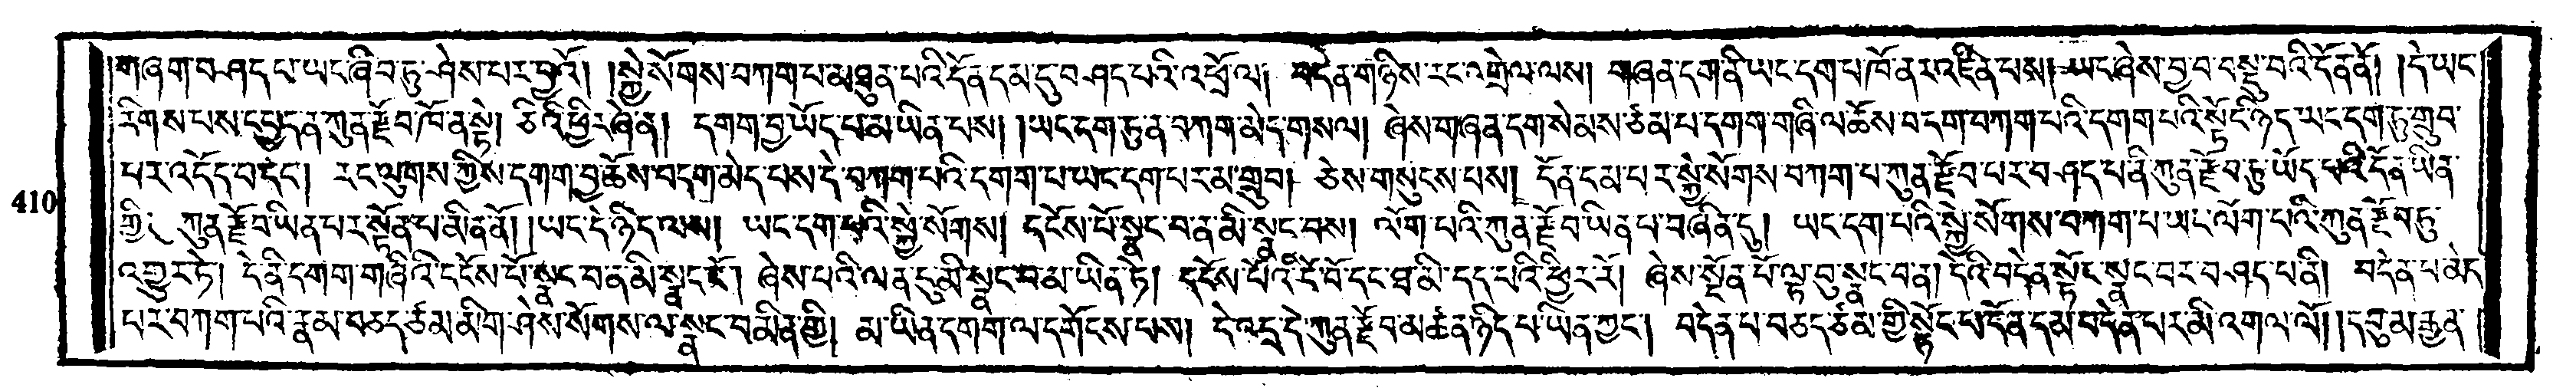གཞག་བཤད་པ་ཡང་ཞིབ་ཏུ་ཤེས་པར་བྱའོ། །སྐྱེས་སོགས་བཀག་པ་མཐུན་པའི་དོན་དམ་དུ་བཤད་པའི་འཕྲོ་ལ། བདེན་གཉིས་རང་འགྲེལ་ལས། གཞན་དག་ནི་ཡང་དག་པ་ཁོ་ནར་འཛིན་པས། ཡང་ཞེས་བྱ་བ་བསྡུ་བའི་དོན་ནོ། །དེ་ཡང་
རིག་པས་དཔྱད་ན་ཀུན་རྫོབ་ཁོ་ན་སྟེ། ཅིའི་ཕྱིར་ཞེ་ན། དགག་བྱ་ཡོད་པ་མ་ཡིན་པས། །ཡང་དག་ཏུ་ན་བཀག་མེད་གསལ། ཞེས་གཞན་དག་སེམས་ཙམ་པ་དགག་གཞི་ལ་ཆོས་བདག་བཀག་པའི་དགག་པའི་སྟོང་ཉིད་ཡང་དག་ཏུ་གྲུབ་
པར་འདོད་པ་དང་། རང་ལུགས་ཀྱིས་དགག་བྱ་ཆོས་བདག་མེད་པས་དེ་བཀག་པའི་དགག་པ་ཡང་དག་པར་མ་གྲུབ། ཅེས་གསུངས་པས། དོན་དམ་པར་སྐྱེ་སོགས་བཀག་པ་ཀུན་རྫོབ་པར་བཤད་པ་ནི་ཀུན་རྫོབ་ཏུ་ཡོད་པའི་དོན་ཡིན་
གྱི༑ ཀུན་རྫོབ་ཡིན་པར་སྟོན་པ་མིན་ནོ། །ཡང་དེ་ཉིད་ལས། ཡང་དག་པའི་སྐྱེ་སོགས། དངོས་པོ་སྣང་བ་ན་མི་སྣང་བས། ལོག་པའི་ཀུན་རྫོབ་ཡིན་པ་བཞིན་དུ། ཡང་དག་པའི་སྐྱེ་སོགས་བཀག་པ་ཡང་ལོག་པའི་ཀུན་རྫོབ་ཏུ་
འགྱུར་ཏེ། དེ་ནི་དགག་གཞིའི་དངོས་པོ་སྣང་བ་མི་སྣང་ངོ། ཞེས་པའི་ལན་དུ་མི་སྣང་བ་མ་ཡིན་ཏེ། དངོས་པོ་ངོ་བོ་དང་ཐ་མི་དད་པའི་ཕྱིར་རོ། ཞེས་སྔོན་པོ་ལྟ་བུ་སྣང་བ་ན། དེའི་བདེན་སྟོང་སྣང་བར་བཤད་པ་ནི། བདེན་པ་མེད་
པར་བཀག་པའི་རྣམ་བཅད་ཙམ་མིག་ཤེས་སོགས་ལ་སྣང་བ་མིན་གྱི། མ་ཡིན་དགག་ལ་དགོངས་པས། དེ་འདྲ་དེ་ཀུན་རྫོབ་མཚན་ཉིད་པ་ཡིན་ཀྱང་། བདེན་པ་བཅད་ཙམ་གྱི་སྟོང་པ་དོན་དམ་བདེན་པར་མི་འགལ་ལོ། །དབུ་མ་རྒྱན་